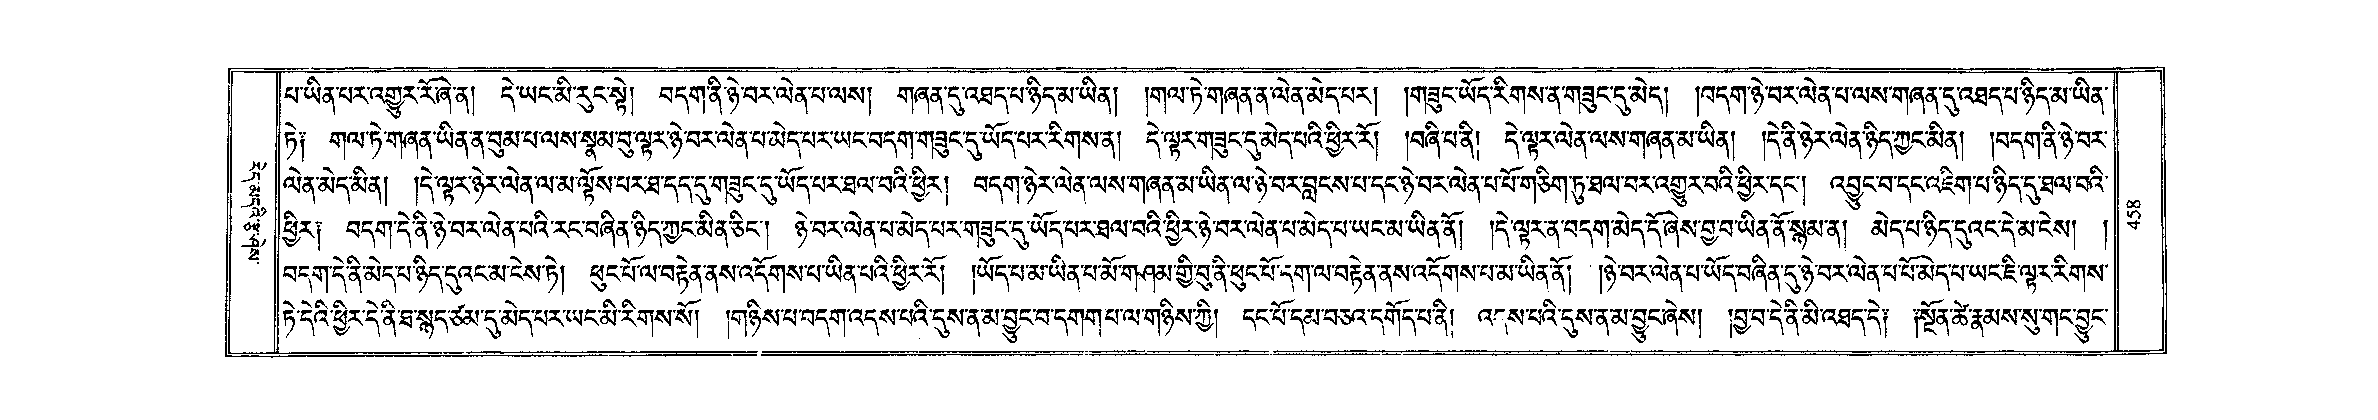པ་ཡིན་པར་འགྱུར་རོ་ཞེ་ན། དེ་ཡང་མི་རུང་སྟེ། བདག་ནི་ཉེ་བར་ལེན་པ་ལས། གཞན་དུ་འཐད་པ་ཉིད་མ་ཡིན། །གལ་ཏེ་གཞན་ན་ལེན་མེད་པར། །གཟུང་ཡོད་རིགས་ན་གཟུང་དུ་མེད། །བདག་ཉེ་བར་ལེན་པ་ལས་གཞན་དུ་འཐད་པ་ཉིད་མ་ཡིན་
ཏེ༑ གལ་ཏེ་གཞན་ཡིན་ན་བུམ་པ་ལས་སྣམ་བུ་ལྟར་ཉེ་བར་ལེན་པ་མེད་པར་ཡང་བདག་གཟུང་དུ་ཡོད་པར་རིགས་ན། དེ་ལྟར་གཟུང་དུ་མེད་པའི་ཕྱིར་རོ། །བཞི་པ་ནི། དེ་ལྟར་ལེན་ལས་གཞན་མ་ཡིན། །དེ་ནི་ཉེར་ལེན་ཉིད་ཀྱང་མིན། །བདག་ནི་ཉེ་བར་
ལེན་མེད་མིན། །དེ་ལྟར་ཉེར་ལེན་ལ་མ་ལྟོས་པར་ཐ་དད་དུ་གཟུང་དུ་ཡོད་པར་ཐལ་བའི་ཕྱིར། བདག་ཉེར་ལེན་ལས་གཞན་མ་ཡིན་ལ་ཉེ་བར་བླངས་པ་དང་ཉེ་བར་ལེན་པ་པོ་གཅིག་ཏུ་ཐལ་བ་འགྱུར་བའི་ཕྱིར་དང་། འབྱུང་བ་དང་འཇིག་པ་ཉིད་དུ་ཐལ་བའི་
ཕྱིར༑ བདག་དེ་ནི་ཉེ་བར་ལེན་པའི་རང་བཞིན་ཉིད་ཀྱང་མིན་ཅིང་། ཉེ་བར་ལེན་པ་མེད་པར་གཟུང་དུ་ཡོད་པར་ཐལ་བའི་ཕྱིར་ཉེ་བར་ལེན་པ་མེད་པ་ཡང་མ་ཡིན་ནོ། །དེ་ལྟར་ན་བདག་མེད་དོ་ཞེས་བྱ་བ་ཡིན་ནོ་སྙམ་ན། མེད་པ་ཉིད་དུའང་དེ་མ་ངེས། །
བདག་དེ་ནི་མེད་པ་ཉིད་དུའང་མ་ངེས་ཏེ། ཕུང་པོ་ལ་བརྟེན་ནས་འདོགས་པ་ཡིན་པའི་ཕྱིར་རོ། །ཡོད་པ་མ་ཡིན་པ་མོ་གཤམ་གྱི་བུ་ནི་ཕུང་པོ་དག་ལ་བརྟེན་ནས་འདོགས་པ་མ་ཡིན་ནོ། །ཉེ་བར་ལེན་པ་ཡོད་བཞིན་དུ་ཉེ་བར་ལེན་པ་པོ་མེད་པ་ཡང་ཇི་ལྟར་རིགས་
ཏེ་དེའི་ཕྱིར་དེ་ནི་ཐ་སྙད་ཙམ་དུ་མེད་པར་ཡང་མི་རིགས་སོ། །གཉིས་པ་བདག་འདས་པའི་དུས་ན་མ་བྱུང་བ་དགག་པ་ལ་གཉིས་ཀྱི། དང་པོ་དམ་བཅའ་དགོད་པ་ནི། འདས་པའི་དུས་ན་མ་བྱུང་ཞེས། །བྱ་བ་དེ་ནི་མི་འཐད་དེ། །སྔོན་ཚེ་རྣམས་སུ་གང་བྱུང་